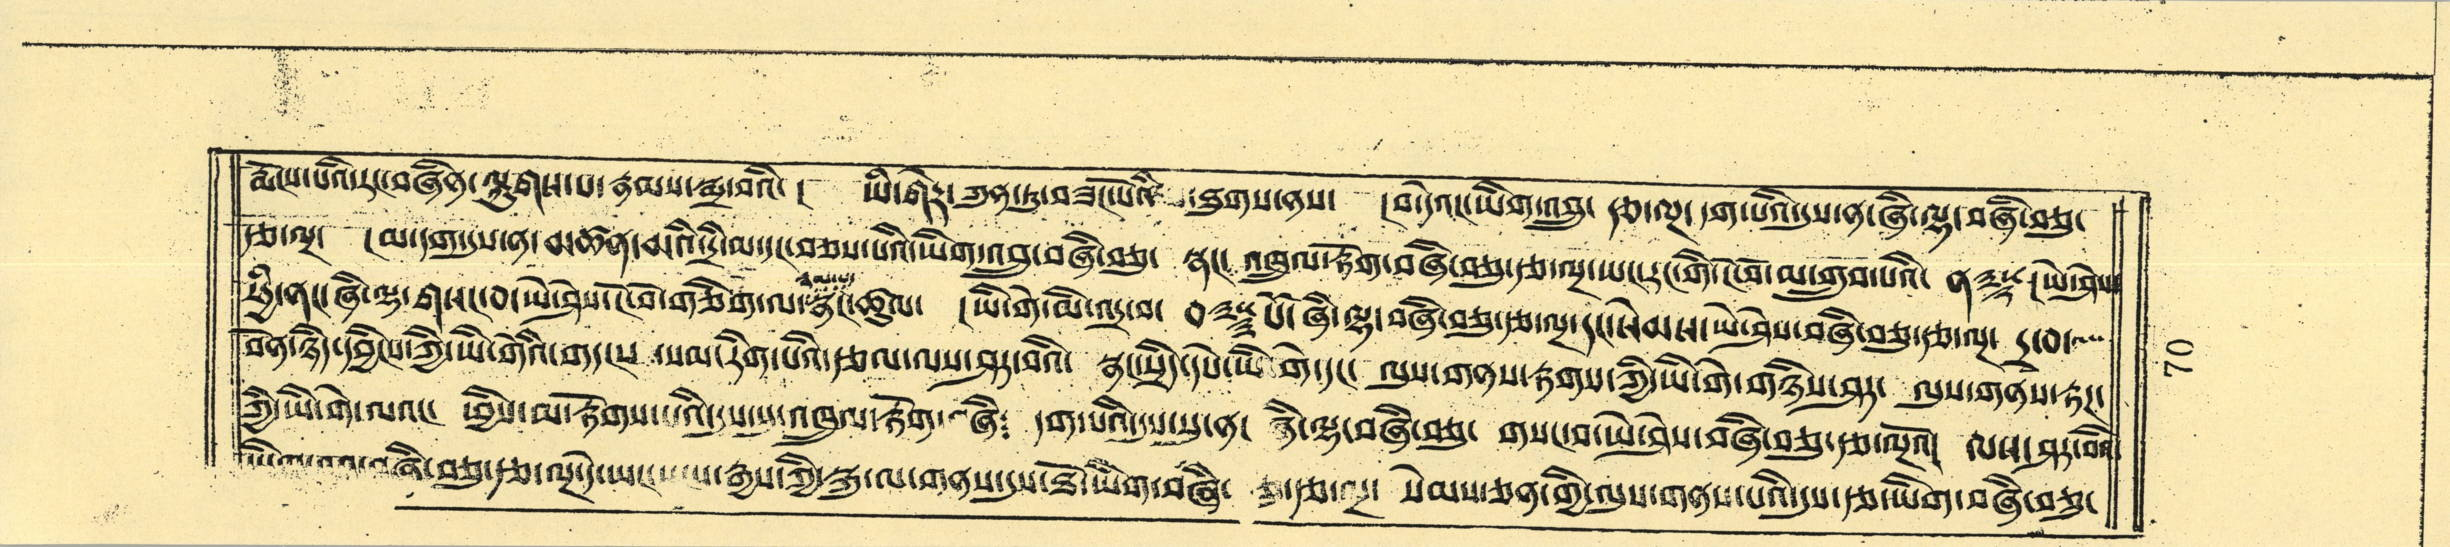རྨོངས་པའི་རང་བཞིན་༼ལྐུགས་པ༽རྣམས་སྨྲ་བའི་༼ཡི་གེར༽ཀུན་ཏུ་བཟང་པོའི་ཐུགས་ནས་དེའང་ཡིག་འབྲུ་༼རྩ་ལྔ༽དག་པའི་དུས་ན་ཞི་ལྷ་བཞི་བཅུ་
རྩ་ལྔ། མ་དག་དུས་ན་༼མཚན་མའི༽དྲི་མ་དང་བཅས་པའི་ཡིག་འབྲུ་བཞི་བཅུ་༼སྣང༽འཁྲུལ་རྟོག་བཞི་བཅུ་རྩ་ལྔ་ཡང་རང་གི་ངོ་བོ་མ་གྲུབ་པའི་ན༣༥།༢ ཡེ་ཤེས་
༼ཕྱི་ནང་༽ཞི་ལྷ་༼གསང་བ༽ཡེ་ཤེས་ངོ་བོ་གཅིག་ལ་རྣམ་པ་སྣང་ཚུལ་ཡི་གེ་མི་འདྲ་བ་བ༣༥།༣༼པོ༽ཞི་ལྷ་བཞི་བཅུ་རྩ་ལྔ་༼དང་སེམས༽ཡེ་ཤེས་བཞི་བཅུ་རྩ་ལྔ་༼དྲྭ་བ
༽བོན་ཉིད་དབྱིངས་ཀྱི་ཡི་གེའི་གདངས་སམ་རིག་པའི་རྩལ་ལས་ཤར་བའི་སྣང་སྲིད་དཔེ་ཡི་གེ་དང་ལུས་གནས་རྟགས་ཀྱི་ཡི་གེ་གཉིས་སུ་ཤར་ལུས་གནས་རྟགས་
ཀྱི་ཡི་གེ་ལའང་ཕྱིས་མ་རྟོགས་པའི་དུས་སུ་འཁྲུལ་རྟོག་བཞི་བཅུ། དག་པའི་དུས་ན་ཞི་ལྷ་བཞི་བཅུ་གསང་བ་ཡེ་ཤེས་བཞི་བཅུ་རྩ་ལྔའོ།༼ལས༽ཤར་བའི་
ཡིག་འབྲུ་བཞི་བཅུ་རྩ་ལྔ་དེ་ཡང་སངས་རྒྱས་ཀྱི་སྐུ་ལ་གནས་དུས་ཐོ་ཡིག་བཞི་བཅུ་རྩ་ལྔ། སེམས་ཅན་གྱི་ལུས་གནས་པའི་དུས་རྩ་ཡིག་བཞི་བཅུ་